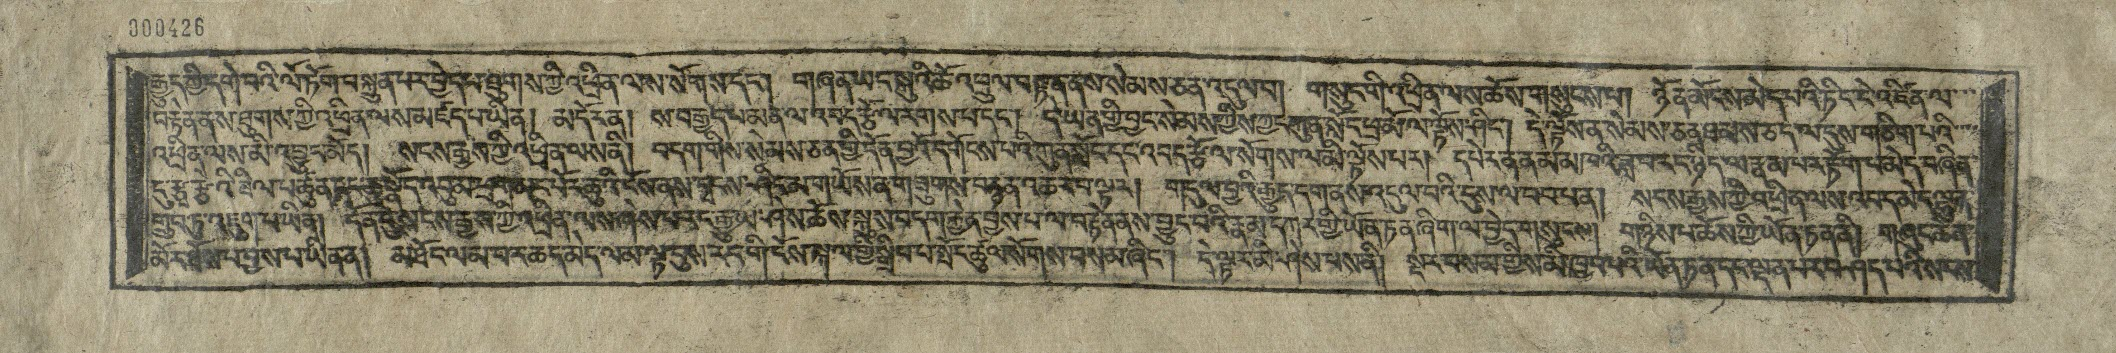རྒྱུད་ཀྱི་དགེ་བའི་ལོ་ཏོག་བསྐྲུན་པར་བྱེད་པ་ཐུགས་ཀྱི་འཕྲིན་ལས་སོགས་དང་། གཞན་ཡང་སྐུའི་ཆོ་འཕྲུལ་བསྟན་ནས་སེམས་ཅན་འདུལ་བ། གསུང་གི་འཕྲིན་ལས་ཆོས་གསུངས་པ། ཉོན་མོངས་མེད་པའི་ཏིང་ངེ་འཛིན་ལ་
བརྟེན་ནས་ཐུགས་ཀྱི་འཕྲིན་ལས་མཛད་པ་ཡིན། མདོར་ན། ས་བརྒྱད་པ་མན་ལ་འབད་རྩོལ་རགས་པ་དང་། དེ་ཡན་གྱི་བྱང་སེམས་ཀྱིས་ཀྱང་ཀུན་སློང་ཕྲ་མོ་ལ་ལྟོས་ཤིང་། དེ་ལྟོས་ན་སེམས་ཅན་ཐམས་ཅད་ལ་དུས་གཅིག་པའི་
འཕྲིན་ལས་མི་འབྱུང་མོད། སངས་རྒྱས་ཀྱི་འཕྲིན་ལས་ནི། བདག་གིས་སེམས་ཅན་གྱི་དོན་བྱའོ་དགོངས་པའི་ཀུན་སློང་དང་འབད་རྩོལ་སོགས་ལ་མི་ལྟོས་པར། དཔེར་ན་ནམ་མཁའི་ཟླ་བ་རང་ཉིད་ལ་རྣམ་པར་རྟོག་པ་མེད་བཞིན་
དུ་རྩྭ་རྩེའི་ཟིལ་པ་ཚུན་དང་ཆུ་སྣོད་འབུམ་ཕྲག་མང་པོར་ཆུའི་ངོས་ནས་དྭངས་ཤིང་མ་གཡོས་ན་གཟུགས་བརྙན་འཆར་བ་ལྟར། གདུལ་བྱའི་རྒྱུད་དག་ནས་འདུལ་བའི་དུས་ལ་བབ་པ་ན། སངས་རྒྱས་ཀྱི་འཕྲིན་ལས་འབད་མེད་ལྷུན་
གྲུབ་ཏུ་འཇུག་པ་ཡིན། དོན་དུ་སངས་རྒྱས་ཀྱི་འཕྲིན་ལས་ཞེས་པ་རང་རྒྱུ་ཡེ་ཤེས་ཆོས་སྐུས་བདག་རྐྱེན་བྱས་པ་ལ་བརྟེན་ནས་བྱུང་བའི་རྣམ་དཀར་གྱི་ཡོན་ཏན་ཞིག་ལ་བྱེད་གསུངས། གཉིས་པ་ཆོས་ཀྱི་ཡོན་ཏན་ནི། གཞུང་ཆེན་
མོར་ཐོས་པ་བྱས་པ་ཡིན་ན། མཐོང་ལམ་བར་ཆད་མེད་ལམ་ལྟ་བུས་རང་གི་ངོས་སྐལ་གྱི་སྒྲིབ་པ་སྤོང་ཚུལ་སོགས་བསམ་ཞིང་། དེ་ལྟར་མི་ཤེས་པས་ནི། སྔར་བསམ་གྱིས་མི་ཁྱབ་པའི་ཡོན་ཏན་དང་ལྡན་པར་བཤད་པའི་སངས་